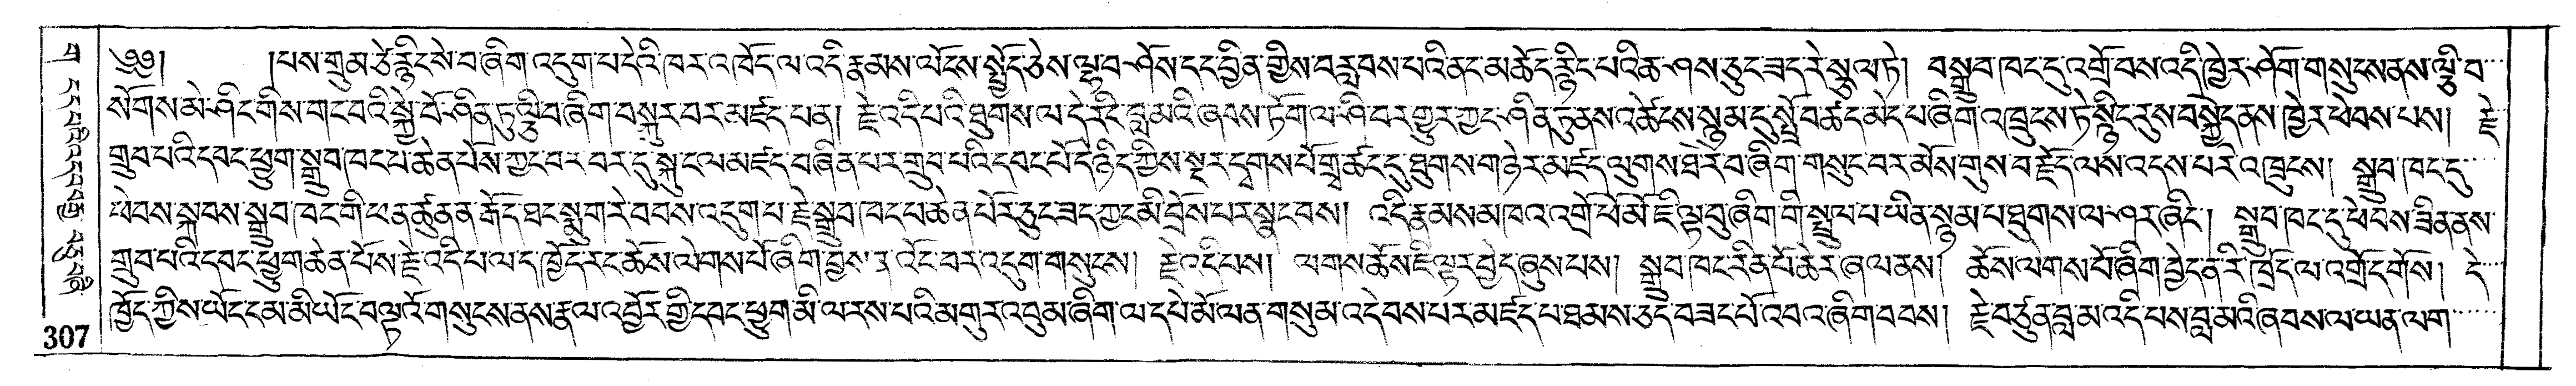༄༅། །པས་གྲུམ་རྩེ་རྙིང་སེ་བ་ཞིག་འདུག་པ་དེའི་ཁར་འཁོད་ལ་འདི་རྣམས་ལོངས་སྤྱོད་ཅེས་ལྷ་བཤོས་དང་བྱིན་གྱིས་བརླབས་པའི་ནང་མཆོད་རྙིང་པའི་ཆ་ཤས་ཅུང་ཟད་རེ་སྩལ་ཏེ། ང་སྒྲུབ་ཁད་དུ་འགྲོ་བས་འདི་ཁྱེར་ཤོག་གསུངས་ནས་ལྕི་བ་
སོགས་མེ་ཤིང་གིས་གང་བའི་སྒྱེ་མོ་ཤིན་ཏུ་ལྕི་བ་ཞིག་བསྐུར་བར་མཛད་པ་ན། རྗེ་འདི་པའི་ཐུགས་ལ་དེ་རིང་བླ་མའི་ཞབས་ཏོག་ལ་ཤི་བར་གྱུར་ཀྱང་ཤིན་ཏུ་ནས་འཚེངས་སྙམ་དུ་སྦྲོ་བ་ཚེད་མེད་པ་ཞིག་འཁྲུངས་ཏེ་སྙིང་རུས་བསྐྱེད་ནས་ཁྱེར་ཕེབས་པས། རྗེ་
གྲུབ་པའི་དབང་ཕྱུག་སྒྲུབ་ཁང་པ་ཆེན་པོས་ཀྱང་བར་བར་དུ་སྐུ་ངལ་མཛད་བཞིན་པར་གྲུབ་པའི་དབང་པོ་དེ་ཉིད་ཀྱིས་སྔར་དྭགས་པོ་གྲྭ་ཚང་དུ་ཐུགས་གཉེར་མཛད་ལུགས་ཐོ་རེ་བ་ཞིག་གསུང་བར་མོས་གུས་བརྗོད་ལས་འདས་པ་རེ་འཁྲུངས། སྒྲུབ་ཁང་དུ་
ཕེབས་སྐབས་སྒྲུབ་ཁང་གི་ཕན་ཚུན་ན་རྒོད་ཐང་སྨུག་རེ་བབས་འདུག་པ་རྗེ་སྒྲུབ་ཁང་པ་ཆེན་པོར་ཅུང་ཟད་ཀྱང་མི་བྲོས་པར་སྣང་བས། འདི་རྣམས་མཁའ་འགྲོ་ཕོ་མོ་ཇི་ལྟ་བུ་ཞིག་གི་སྤྲུལ་པ་ཡིན་སྙམ་བ་ཐུགས་ལ་ཤར་ཞིང་། སྒྲུབ་ཁང་དུ་ཕེབས་ཟིན་ནས་
གྲུབ་པའི་དབང་ཕྱུག་ཆེན་པོས་རྗེ་འདི་པ་ལ་དེ་ཁྱོད་རང་ཆོས་ལེགས་པོ་ཞིག་བྱས་ན་འོང་བར་འདུག་གསུངས། རྗེ་འདི་པས། ལགས་ཆོས་ཇི་ལྟར་བྱེད་ཞུས་པས། སྒྲུབ་ཁང་རིན་པོ་ཆེའི་ཞལ་ནས། ཆོས་ལེགས་པོ་ཞིག་བྱེད་ན་རི་ཁྲོད་ལ་འགྲོ་དགོས། དེ་
ཁྱོད་ཀྱིས་ཡོང་ངམ་མི་ཡོང་བལྟའོ་གསུངས་ནས་རྣལ་འབྱོར་གྱི་དབང་ཕྱུག་མི་ལ་རས་པའི་མགུར་འབུམ་ཞིག་ལ་དཔེ་མོ་ལན་གསུམ་འདེབས་པར་མཛད་པ་ཐམས་ཅད་བཟང་པོ་འབའ་ཞིག་བབས། རྗེ་བཙུན་བླ་མ་འདི་བས་བླ་མའི་ཞབས་ལ་ཡན་ལག་